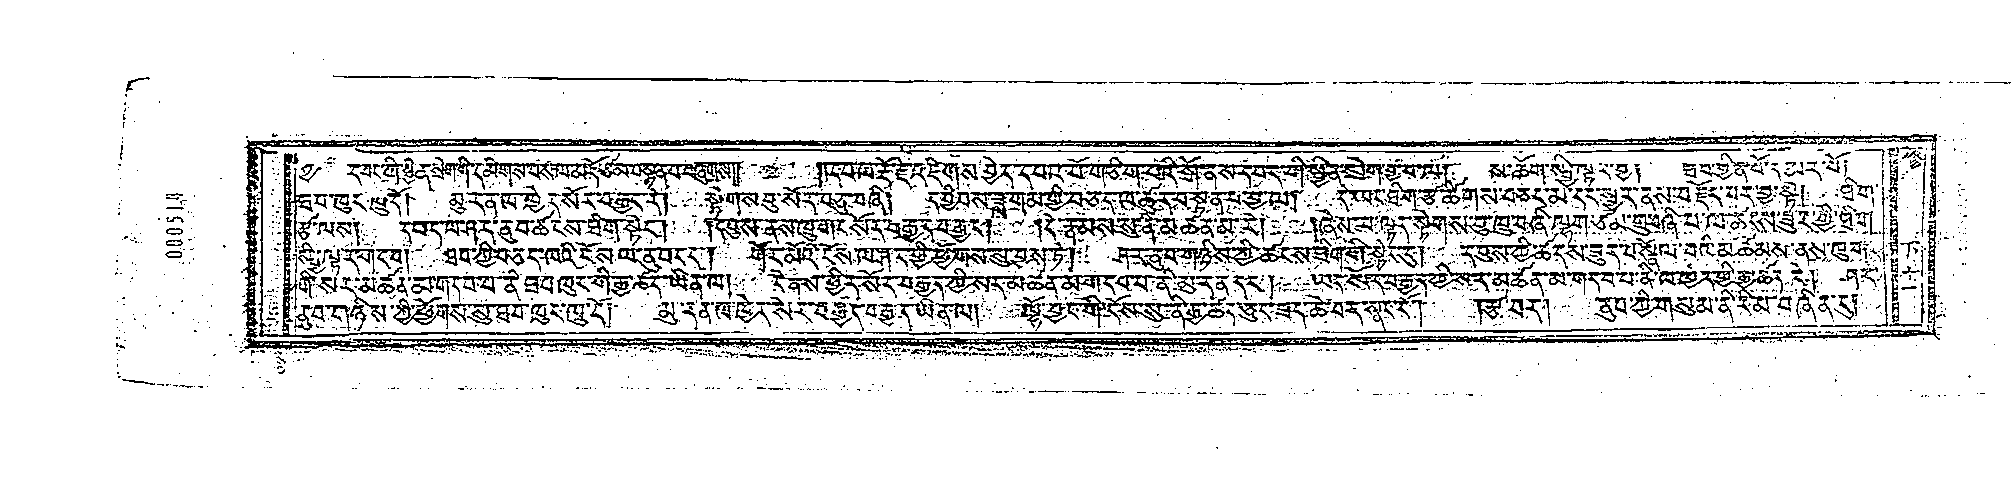༧་དབང་གི་སྦྱིན་སྲེག་གི་དམིགས་བསལ་མདོ་ཙམ་བསྟན་པ་བཞུགས།། །།དཔལ་རྡོ་རྗེ་འཇིགས་བྱེད་དཔའ་བོ་གཅིག་པའི་སྒོ་ནས་དབང་གི་སྦྱིན་སྲེག་བྱ་བ་ལ། ས་ཆོག་སྤྱི་ལྟར་བྱ། ཐབ་བྱིན་པོ་དམར་པོ།
ཐབ་ཁུང་ཁྲུ་ངོ། མུ་རན་ཁ་ཁྱེར་སོར་བརྒྱད་རེ། སྟེགས་བུ་སོར་བཅུ་བཞི། དབྱིབས་ཟླ་གམ་གྱི་བཅད་ཁ་ཚུར་བསྟན་པ་བྱ་ལ། དེ་ཡང་ཐིག་རྩ་ཚིགས་བཅད་མ་དང་སྦྱར་ནས་བརྗོད་པར་བྱ་སྟེ། ཐིག་
རྩ་ལས། དབང་ལ་ཤར་ནུབ་ཚངས་ཐིག་སྟེང་། །དབུས་ནས་ཁྲུ་གང་སོར་བརྒྱད་བརྒྱད། །དེ་རྣམས་སུ་ནི་མཚན་མ་རེ། །ཞེས་པ་ལྟར་སྟེགས་བུ་ཁྲུ་བཞི་ལྷག་ཙམ་གྲུ་བཞི་པ་ལ་ཚངས་ཟུར་གྱི་ཐིག་
སྤྱི་ལྟར་གདབ། ཐབ་ཀྱི་བཅད་ཁའི་ངོས་ལ་ནུབ་དང་། གོར་མོའི་ངོས་ལ་ཤར་གྱི་ཕྱོགས་སུ་བྱས་ཏེ། ཤར་ནུབ་གཉིས་ཀྱི་ཚངས་ཐིག་གི་སྟེང་དུ། དབུས་ཀྱི་ཚངས་ཟུར་བསྣོལ་བའི་མཚམས་ནས་ཁྲུ་གང་
གི་སར་མཚན་མ་གདབ་པ་ནི་ཐབ་ཁུང་གི་རྒྱ་ཚད་ཡིན་ལ། དེ་ནས་ཕྱིར་སོར་བརྒྱད་ཀྱི་སར་མཚན་མ་གདབ་པ་ནི་མུ་རན་དང་། ཡང་སོར་བརྒྱད་ཀྱི་སར་མཚན་མ་གདབ་མ་གདབ་པ་ནི་ཁ་ཁྱེར་གྱི་རྒྱ་ཚད་རེ། ཤར་
ནུབ་གཉིས་ཀྱི་ཕྱོགས་སུ་ཐབ་ཁུང་ཁྲུ་ངོ། མུ་རན་ཁ་ཁྱེར་ཁྲུ་དེ། མ་
ཡད་ཡིན་ལ། ལྷོ་བྱང་གི་ངོས་སུ་ནི་རྒྱ་ཚད་ཅུང་ཟད་ཆེ་བར་སྣང་ངོ། །རྩ་བར། ནུབ་ཀྱི་གསུམ་ནི་རིམ་བཞིན་དུ།